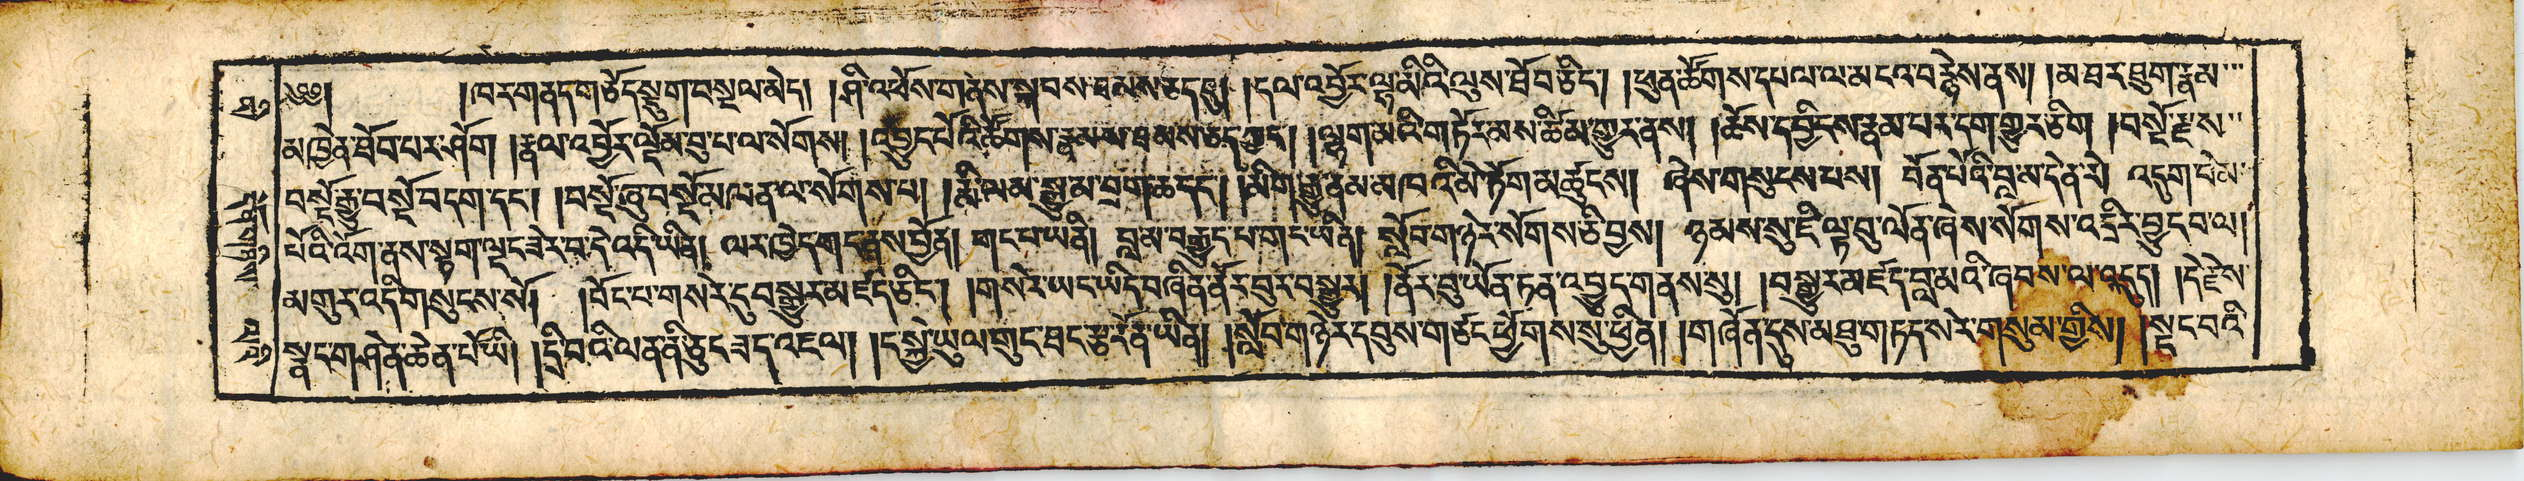[ཁར་གནད་གཙོདསྡུག་བསྔལ་མེད། །ཤི་འཕོས་གནས་སྐབས་ཐམས་ཅདབུ། །དལ་འབྱོར་ལྷ་མིའི་ལུས་ཐོབ་ཅིང་། །ཕུན་ཚོགས་དཔལ་ལ་མངའ་བརྙེས་ནས། །མཐར་ཐུག་རྣམ་
མཁྱེན་ཐོབ་པར་ཤོག། །རྣལ་འབྱོར་ལྡོམ་བུ་པ་ལ་སོགས། །འབྱུང་པོའི་ཚོགས་རྣམས་ཐམས་ཅད་ཀྱང་། །ལྷག་མའི་གཏོར་མས་ཚིམ་གྱུར་ནས། །ཆོས་དབྱིངས་རྣམ་པར་དག་གྱུར་ཅིག །བསྔོ་རྫས་
བསྔོ་རྒྱུ་བསྔོ་བདག་དང་། །བསྔོ་ཞུ་བསྔོ་མཁན་ལ་སོགས་པ། །རྨི་ལམ་སྒྱུ་མ་བྲག་ཆ་དང་། །སྨྲིག་རྒྱུ་ནམ་མཁའི་མེ་ཏོག་མཚུངས། ཞེས་གསུངས་པས། བོན་པའི་བླ་མ་དེ་ན་རེ། འདུག་བེམ་
པོའི་འོག་ནས་སྟག་ལྡང་ཟེར་བ་དེ་འདི་ཡིན། ལར་ཁྱེད་གང་ནས་བྱོན། གང་བ་ཡིན། བླ་མ་བརྒྱུད་པ་གང་ཡིན། སློབ་གཉེར་སོགས་ཅི་བྱས། ཉམས་སུ་ཇི་ལྟ་བུ་ལོན་ཞེས་སོགས་འདྲིར་བྱུང་བ་ལ། 
མགུར་འདིགསུངས་སོ། །བོང་པ་གསེར་དུབསྒྱུར་མཛད་ཅིང་། །གསེར་ཡང་ཡིད་བཞིན་ནོར་བུར་བསྒྱུར། །ནོར་བུ་ཡོན་ཏན་འབྱུང་གནས་སུ། །བསྒྱུར་མཛད་བླ་མའི་ཞབས་ལ་འདུད། །དེ་རྗེས་
སྣང་གཤེན་ཆེན་པོ་ཡི། །དྲི་བའི་ལན་ནི་ཅུང་ཟད་འཇལ། །ང་སྐྱེ་ཡུལ་གུང་ཐང་རྩ་རོན་ཡིན། །སློབ་གཉེར་དབུས་གཙང་ཕྱོགས་སུ་ཕྱིན། །གཞོན་དུས་མཐུ་གཏད་སེར་གསུམ་གྱིས། །སྡང་བའི་